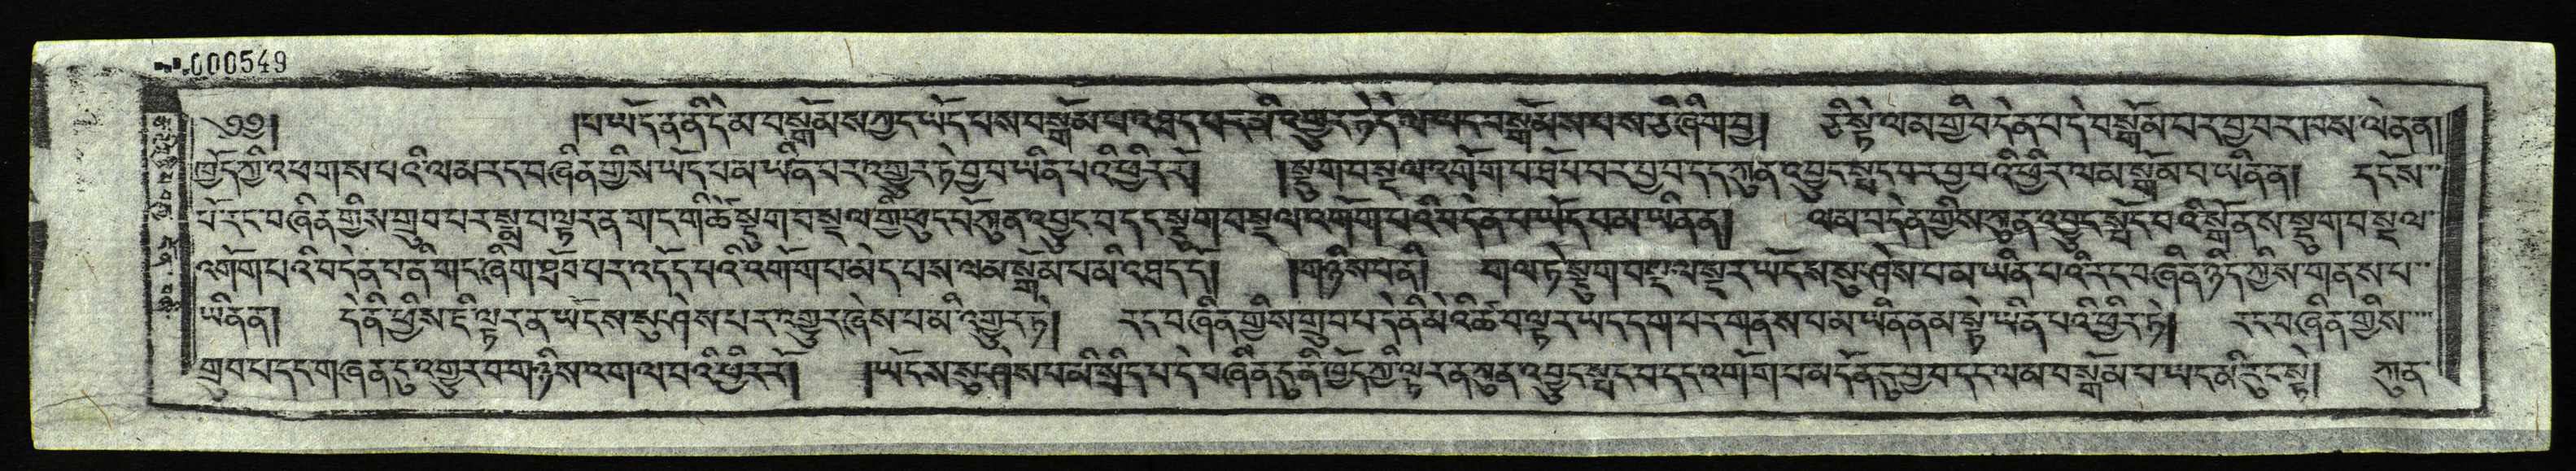༄༅། །པ་ཡོད་ན་ནི་དེ་མ་བསྒོམས་ཀྱང་ཡོད་པས་བསྒོམ་པ་འཐད་པར་མི་འགྱུར་ཏེ་དེ་ལ་ཡང་བསྒོམས་པས་ཅི་ཞིག་བྱ། ཅི་སྟེ་ལམ་གྱི་བདེན་པ་དེ་བསྒོམ་པར་བྱ་བར་ཁས་ལེན་ན།
ཁྱོད་ཀྱི་འཕགས་པའི་ལམ་རང་བཞིན་གྱིས་ཡོད་པ་མ་ཡིན་པར་འགྱུར་ཏེ་བྱ་བ་ཡིན་པའི་ཕྱིར་རོ། །སྡུག་བསྔལ་འགོག་པ་ཐོབ་པར་བྱ་བ་དང་ཀུན་འབྱུང་སྤང་བར་བྱ་བའི་ཕྱིར་ལམ་སྒོམ་པ་ཡིན་ན། དངོས་
པོ་རང་བཞིན་གྱིས་གྲུབ་པར་སྨྲ་བ་ལྟར་ན་གང་གི་ཚེ་སྡུག་བསྔལ་གྱི་ཕུང་པོ་ཀུན་འབྱུང་བ་དང་སྡུག་བསྔལ་འགོག་པའི་བདེན་པ་ཡོད་པ་མ་ཡིན་ན། ལམ་བདེན་གྱིས་ཀུན་འབྱུང་སྤོང་བའི་སྒོ་ནས་སྡུག་བསྔལ་
འགོག་པའི་བདེན་པ་ནི་གང་ཞིག་ཐོབ་པར་འདོད་པའི་འགོག་པ་མེད་པས་ལམ་སྒོམ་པ་མི་འཐད་དོ། །གཉིས་པ་ནི། གལ་ཏེ་སྡུག་བསྔལ་སྔར་ཡོངས་སུ་ཤེས་པ་མ་ཡིན་པའི་རང་བཞིན་ཉིད་ཀྱིས་གནས་པ་
ཡིན་ན། དེ་ནི་ཕྱིས་ཇི་ལྟར་ན་ཡོངས་སུ་ཤེས་པར་འགྱུར་ཞེས་པ་མི་འགྱུར་ཏེ། རང་བཞིན་གྱིས་གྲུབ་པ་དེ་ནི་མེའི་ཚ་བ་ལྟར་ཡང་དག་པར་གནས་པ་མ་ཡིན་ནམ་སྟེ་ཡིན་པའི་ཕྱིར་ཏེ། རང་བཞིན་གྱིས་
གྲུབ་པ་དང་གཞན་དུ་འགྱུར་བ་གཉིས་འགལ་བའི་ཕྱིར་རོ། །ཡོངས་སུ་ཤེས་པ་མི་སྲིད་པ་དེ་བཞིན་དུ་ནི་ཁྱོད་ཀྱི་ལྟར་ན་ཀུན་འབྱུང་སྤང་བ་དང་འགོག་པ་མངོན་དུ་བྱ་བ་དང་ལམ་བསྒོམ་པ་ཡང་མི་རུང་སྟེ། ཀུན་